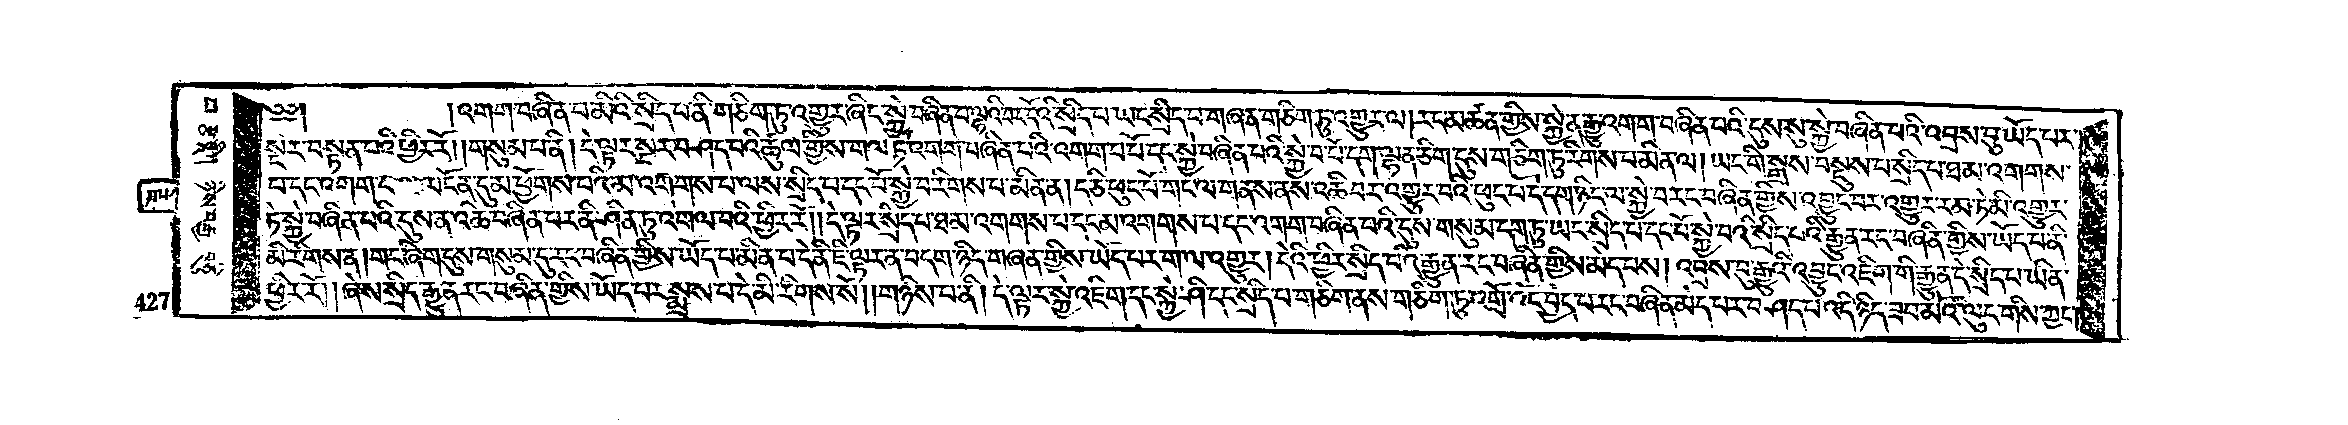༄༅། །འགག་བཞིན་པ་མིའི་སྲིད་པ་ནི་གཅིག་ཏུ་འགྱུར་ཞིང་སྐྱེ་བཞིན་པ་ལྷའི་བར་དོའི་སྲིད་པ་ཡང་སྲིད་པ་གཞན་གཅིག་ཏུ་འགྱུར་ལ། རང་མཚན་གྱིས་སྐྱེ་ན་རྒྱུ་འགག་བཞིན་པའི་དུས་སུ་སྐྱེ་བཞིན་པའི་འབྲས་བུ་ཡོད་པར་
སྔར་བསྟན་པའི་ཕྱིར་རོ། །གསུམ་པ་ནི། དེ་ལྟར་སྔར་བཤད་པའི་ཚུལ་གྱིས་གལ་ཏེ་འགག་བཞིན་པའི་འགག་པ་པོ་དང་སྐྱེ་བཞིན་པའི་སྐྱེ་བ་པོ་དག་ལྷན་ཅིག་དུས་གཅིག་ཏུ་རིགས་པ་མིན་ལ། ཡང་གི་སྒྲས་བསྡུས་པ་སྲིད་པ་ཐ་མ་འགགས་
པ་དང་འགགས་མངོན་དུ་མ་ཕྱོགས་པའི་མ་འགགས་པ་ལས་སྲིད་པ་དང་པོ་སྐྱེ་བ་རིགས་པ་མིན་ན། ད་ཅི་ཕུང་པོ་གང་ལ་གནས་ནས་འཆི་བར་འགྱུར་བའི་ཕུང་པོ་དེ་དག་ཉིད་ལ་སྐྱེ་བ་རང་བཞིན་གྱིས་འབྱུང་བར་འགྱུར་རམ་ཏེ་མི་འགྱུར་
ཏེ་སྐྱེ་བཞིན་བའི་དུས་ན་འཆི་བཞིན་པར་ནི་ཤིན་ཏུ་འགལ་བའི་ཕྱིར་རོ། །དེ་ལྟར་སྲིད་པ་ཐ་མ་འགགས་པ་དང་མ་འགགས་པ་དང་འགག་བཞིན་པའི་དུས་གསུམ་ངག་ཏུ་ཡང་སྲིད་པ་དང་པོ་སྐྱེ་བའི་སྲིད་པའི་རྒྱུན་རང་བཞིན་གྱིས་ཡོད་པ་ནི་
མི་རིགས་ན། གང་ཞིག་དུས་གསུམ་དུ་རང་བཞིན་གྱིས་ཡོད་པ་མིན་བ་དེ་ནི་ཇི་ལྟར་ན་བདག་ཉིད་གཞན་གྱིས་ཡོད་པར་ག་ལ་འགྱུར། དེའི་ཕྱིར་སྲིད་པའི་རྒྱུན་རང་བཞིན་གྱིས་མེད་པས། འབྲས་བུ་རྒྱུའི་འབྱུང་འཇིག་གི་རྒྱུན་དེ་སྲིད་པ་ཡིན་
ཕྱིར་རོ། །ཞེས་སྲིད་རྒྱུན་རང་བཞིན་གྱིས་ཡོད་པར་སྨྲས་པ་དེ་མི་རིགས་སོ། །གཉིས་པ་ནི། དེ་ལྟར་སྐྱེ་འཇིག་དང་སྐྱེ་ཤི་དང་སྲིད་པ་གཅིག་ནས་གཅིག་ཏུ་འགྲོ་འོང་བྱེད་པ་རང་བཞིན་མེད་པར་བཤད་པ་འདི་ཉིད་ཟབ་མོའི་ལུང་གིས་ཀྱང་